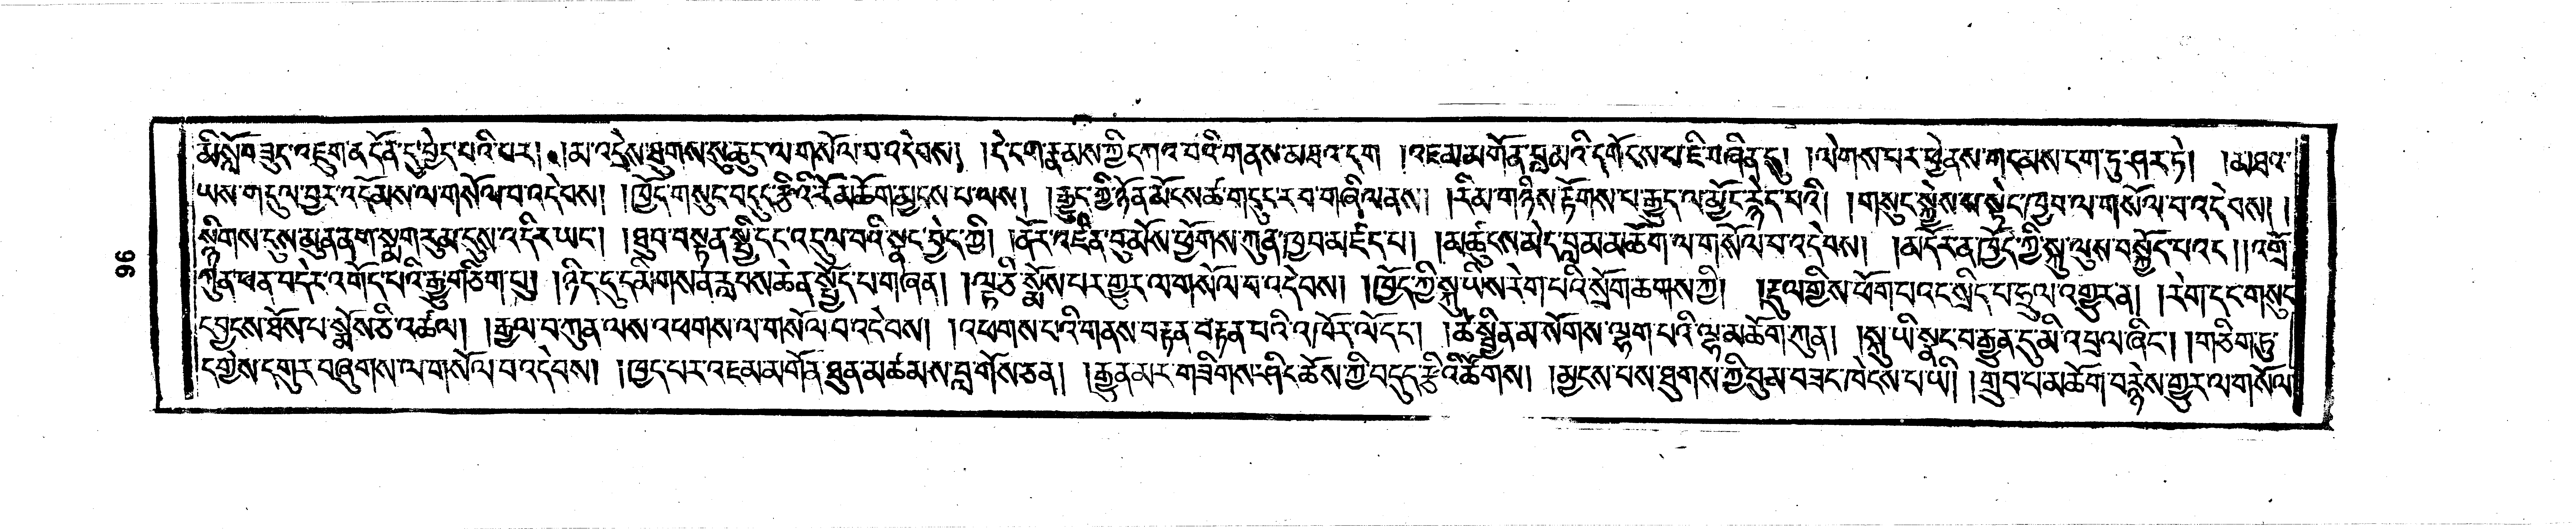མི་སློབ་བཟུང་འཇུག་ན་དོན་དུ་བྱེད་པའི་པར། །མ་འདྲེས་ཐུགས་སུ་ཆུང་ལ་གསོལ་བ་འདེབས། །དེ་དག་རྣམས་ཀྱི་དཀའ་བའི་གནས་མཐའ་དག །འཇམ་མགོན་བླ་མའི་དགོངས་པ་ཇི་བཞིན་དུ། །ལེགས་པར་ཕྱེ་ནས་གདམས་ངག་ཏུ་ཤར་ཏེ། །མཐའ་
ཡས་གདུལ་བྱར་འདོམས་ལ་གསོལ་བ་འདེབས། །ཁྱོད་གསུང་བདུད་རྩིའི་རོ་མཆོག་མྱངས་པ་ལས། །རྒྱུད་ཀྱི་ཉོན་མོངས་ཚ་གདུང་རབ་གཞིལ་ནས། །རིམ་གཉིས་རྟོགས་པ་རྒྱུད་ལ་མྱོང་རྙེད་པའི། །གསུང་སྐྱེས་ས་སྟེང་ཁྱབ་ལ་གསོལ་བ་འདེབས། །
སྙིགས་དུས་མུན་ནག་སྨག་རུམ་དུས་འདིར་ཡང་། །ཐུབ་བསྟན་སྤྱི་དང་འདུལ་པའི་སྣང་བྱེད་ཀྱི། །ནོར་འཛིན་བུ་མོས་ཕྱོགས་ཀུན་ཁྱབ་མཛད་པ། །མཚུངས་མེད་བླ་མ་མཆོག་ལ་གསོལ་བ་འདེབས། །མདོར་ན་ཁྱོད་ཀྱི་སྐུ་ལུས་བསྐྱོད་པའང་། །འགྲོ་
ཀུན་ཕན་བདེར་འགོད་པའི་རྒྱུ་གཅིག་པུ། །ཉིད་དུ་དམིགས་ན་རླབས་ཆེན་སྤྱོད་པ་གཞན། །ལྟ་ཅི་སྨོས་པར་གྱུར་ལ་གསོལ་བ་འདེབས། །ཁྱོད་ཀྱི་སྐུ་ཡིས་རེག་པའི་སྲོག་ཆགས་ཀྱི། །རྡུལ་གྱིས་ཕོག་པའང་སྲིད་པ་ཧྲུལ་འགྱུར་ན། །རེག་དང་གསུང་
དབྱངས་ཐོས་པ་སྨོས་ཅི་འཚལ། །རྒྱལ་བ་ཀུན་ལས་འཕགས་ལ་གསོལ་བ་འདེབས། །འཕགས་པའི་གནས་བརྟན་བརྟན་པའི་འཁོར་ལོ་དང་། །ཚེ་སྦྱིན་མ་སོགས་ལྷག་པའི་ལྷ་མཆོག་ཀུན། །སྐུ་ཡི་སྣང་བ་རྒྱུན་དུ་མི་འབྲལ་ཞིང་། །གཅིག་ཏུ་
དགྱེས་དགུར་བཞུགས་ལ་གསོལ་བ་འདེབས། །ཁྱད་པར་འཇམ་མགོན་ཐུན་མཚམས་བླ་གོས་ཅན། །རྒྱུན་མར་གཟིགས་ཤིང་ཆོས་ཀྱི་བདུད་རྩིའི་ཚོགས། །མྱངས་པས་ཐུགས་ཀྱི་བུམ་བཟང་ཁེངས་པ་ཡི། །གྲུབ་པ་མཆོག་བརྙེས་གྱུར་ལ་གསོལ་